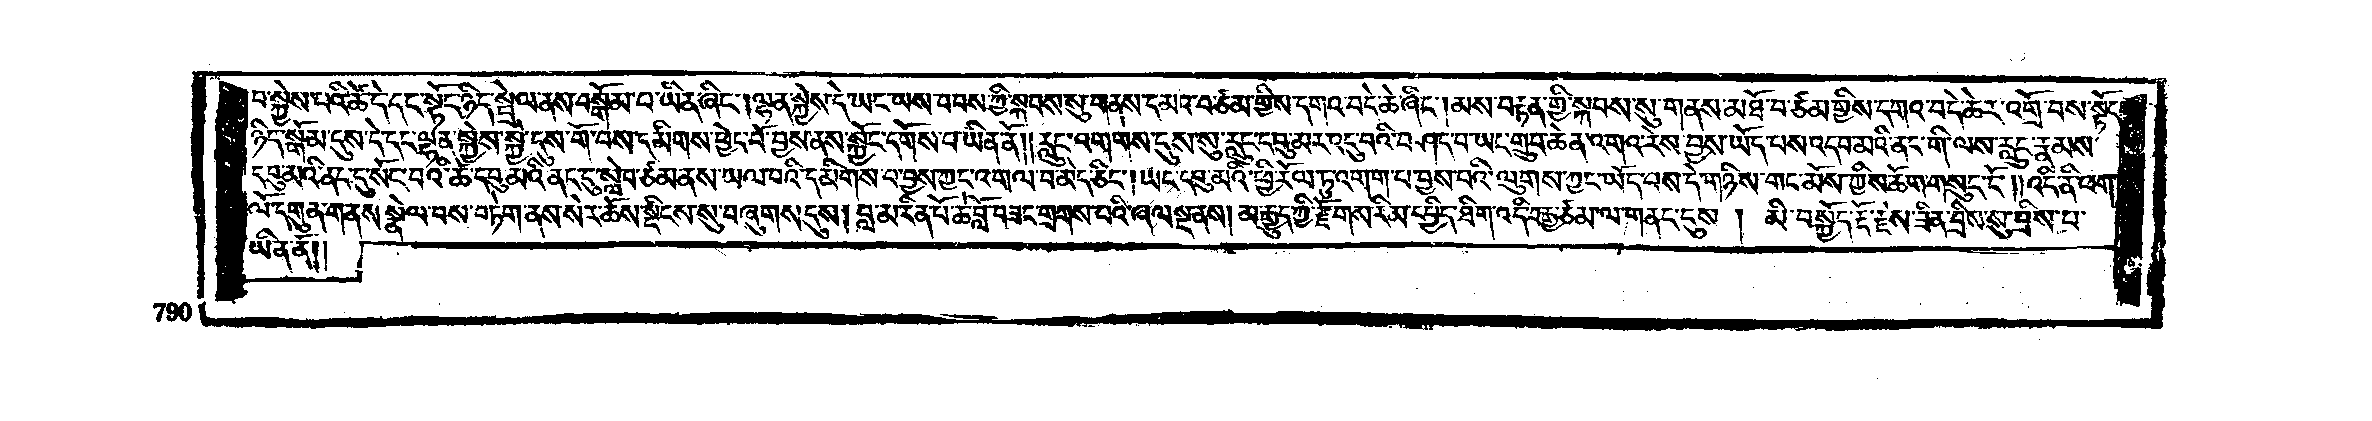བ་སྐྱེས་པའི་ཚེ་དེ་དང་སྟོང་ཉིད་སྦྲེལ་ནས་བསྒོམ་པ་ཡིན་ཞིང་། ལྷན་སྐྱེས་དེ་ཡང་ཡས་བབས་ཀྱི་སྐབས་སུ་གནས་དམར་བ་ཙམ་གྱིས་དགའ་བདེ་ཆེ་ཞིང་། མས་བརྟན་གྱི་སྐབས་སུ་གནས་མཐོ་བ་ཙམ་གྱིས་དགའ་བདེ་ཆེར་འགྲོ་བས་སྟོང་
ཉིད་སྒོམ་དུས་དེ་དང་ལྷན་སྐྱེས་སྐྱེ་དུས་གོ་བས་དམིགས་ཕྱེད་པོ་བྱས་ནས་སྐྱོང་དགོས་པ་ཡིན་ནོ། །རླུང་འགགས་དུས་སུ་རླུང་དབུ་མར་འདུ་བའི་བཤད་པ་ཡང་གྲུབ་ཆེན་འགའ་རེས་བྱས་ཡོད་པས་འདབ་མའི་ནང་གི་ལས་རླུང་རྣམས་
དབུ་མའི་ནང་དུ་སོང་བའི་ཚེ་དབུ་མའི་ནང་དུ་སླེབ་ཙམ་ནས་ཡལ་བའི་དམིགས་པ་བྱས་ཀྱང་འགལ་བ་མེད་ཅིང་། ཡང་དབུ་མའི་ཕྱི་རོལ་ཏུ་འགག་པ་བྱས་པའི་ལུགས་ཀྱང་ཡོད་པས་དེ་གཉིས་གང་མོས་ཀྱིས་ཆོག་གསུང་ངོ། །འདི་ནི་ཕག་
ལོ་དགུན་གནས་སྣེལ་བས་བཏེག་ནས་སེར་ཆོས་སྡིངས་སུ་བཞུགས་དུས། བླ་མ་རིན་པོ་ཆེ་བློ་བཟང་གྲགས་པའི་ཞལ་སྔ་ནས། མ་རྒྱུད་ཀྱི་རྫོགས་རིམ་དཔྱིད་ཐིག་འདི་བརྒྱ་ཙམ་ལ་གནང་དུས། མི་བསྐྱོད་རྡོ་རྗེས་ཟིན་བྲིས་སུ་བྲིས་པ་
ཡིན་ནོ། །